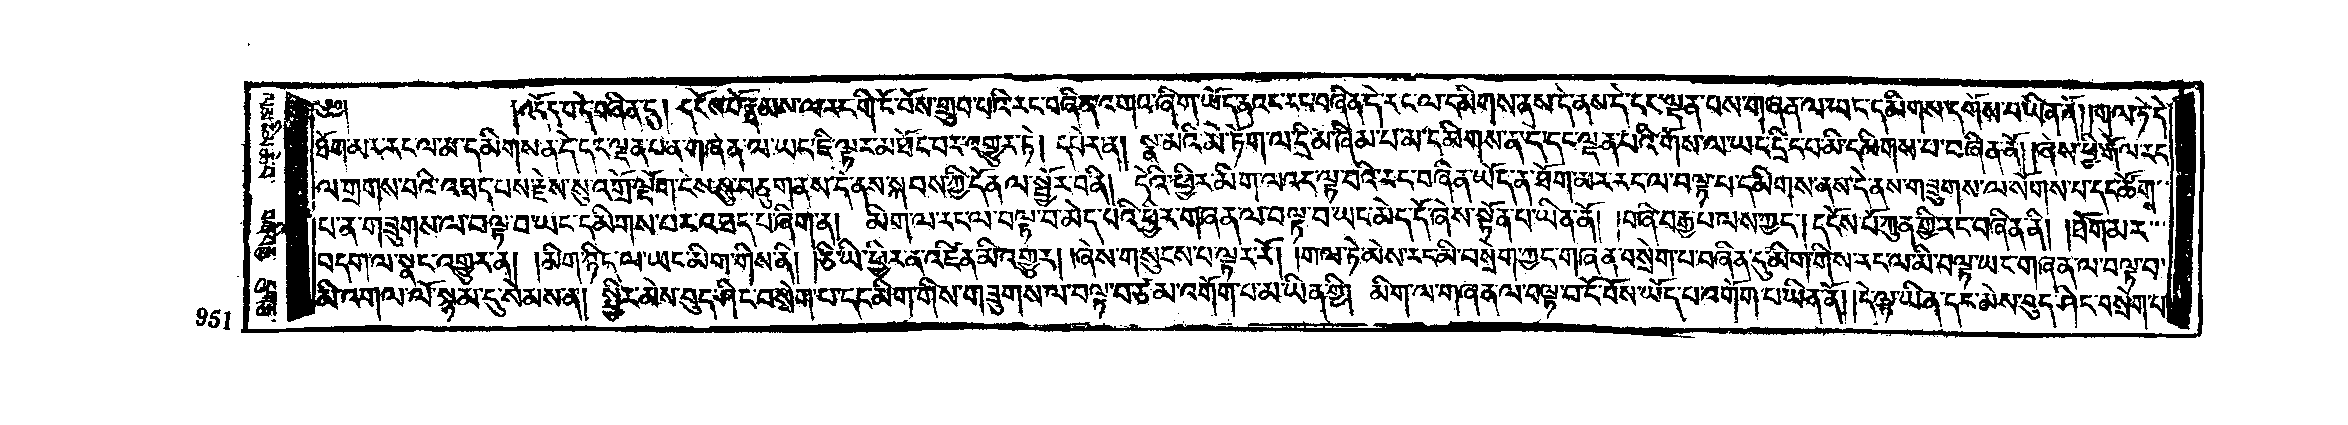༄༅། །འདོད་པ་དེ་བཞིན་དུ། དངོས་པོ་རྣམས་ལ་རང་གི་ངོ་བོས་གྲུབ་པའི་རང་བཞིན་འགའ་ཞིག་ཡོད་ནའང་རང་བཞིན་དེ་རང་ལ་དམིགས་ནས་དེ་ནས་དེ་དང་ལྡན་པས་གཞན་ལ་ཡང་དམིགས་དགོས་པ་ཡིན་ནོ། །གལ་ཏེ་དེ་
ཐོག་མར་རང་ལ་མ་དམིགས་ན་དེ་དང་ལྡན་པ་ན་གཞན་ལ་ཡང་ཇི་ལྟར་མཐོང་བར་འགྱུར་ཏེ། དཔེར་ན། སྣ་མའི་མེ་ཏོག་ལ་དྲི་མི་ཞིམ་པ་མ་དམིགས་ན་དེ་དང་ལྡན་པའི་གོས་ལ་ཡང་དྲིང་བ་མི་དམིགས་པ་བཞིན་ནོ། །ཞེས་ཕྱི་རྒོལ་རང་
ལ་གྲགས་པའི་འཐད་པས་རྗེས་སུ་འགྲོ་ལྡོག་ངེས་སུ་བཅུག་ནས་དེ་ནས་སྐབས་ཀྱི་དོན་ལ་སྦྱོར་བ་ནི། དེའི་ཕྱིར་མིག་ལའང་ལྟ་བའི་རང་བཞིན་ཡོད་ན་ཐོག་མར་རང་ལ་བལྟ་བ་དམིགས་ནས་དེ་ནས་གཟུགས་ལ་སོགས་པ་དང་ཚོགས་
པ་ན་གཟུགས་ལ་བལྟ་བ་ཡང་དམིགས་པར་འཐད་པ་ཞིག་ན། མིག་ལ་རང་ལ་བལྟ་བ་མེད་པའི་ཕྱིར་གཞན་ལ་བལྟ་བ་ཡང་མེད་དོ་ཞེས་སྟོན་པ་ཡིན་ནོ། །བཞི་བརྒྱ་པ་ལས་ཀྱང་། དངོས་པོ་ཀུན་གྱི་རང་བཞིན་ནི། །ཐོག་མར་
བདག་ལ་སྣང་འགྱུར་ན། །མིག་ཉིད་ལ་ཡང་མིག་གིས་ནི། །ཅི་ཡི་ཕྱིར་ན་འཛིན་མི་འགྱུར། །ཞེས་གསུངས་པ་ལྟར་རོ། །གལ་ཏེ་མེས་རང་མི་བསྲེག་ཀྱང་གཞན་བསྲེག་པ་བཞིན་དུ་མིག་གིས་རང་ལ་མི་བལྟ་ཡང་གཞན་ལ་བལྟ་བ་
མི་འགལ་ལོ་སྙམ་དུ་སེསམ་ན། སྤྱིར་མེས་བུད་ཤིང་བསྲེག་པ་དང་མིག་གིས་གཟུགས་ལ་བལྟ་བ་ཙམ་འགོག་པ་མ་ཡིན་གྱི། མིག་ལ་གཞན་ལ་བལྟ་བ་ངོ་བོས་ཡོད་པ་འགོག་པ་ཡིན་ནོ། །དེ་ལྟ་ཡིན་དང་མེས་བུད་ཤིང་བསྲེག་པ་